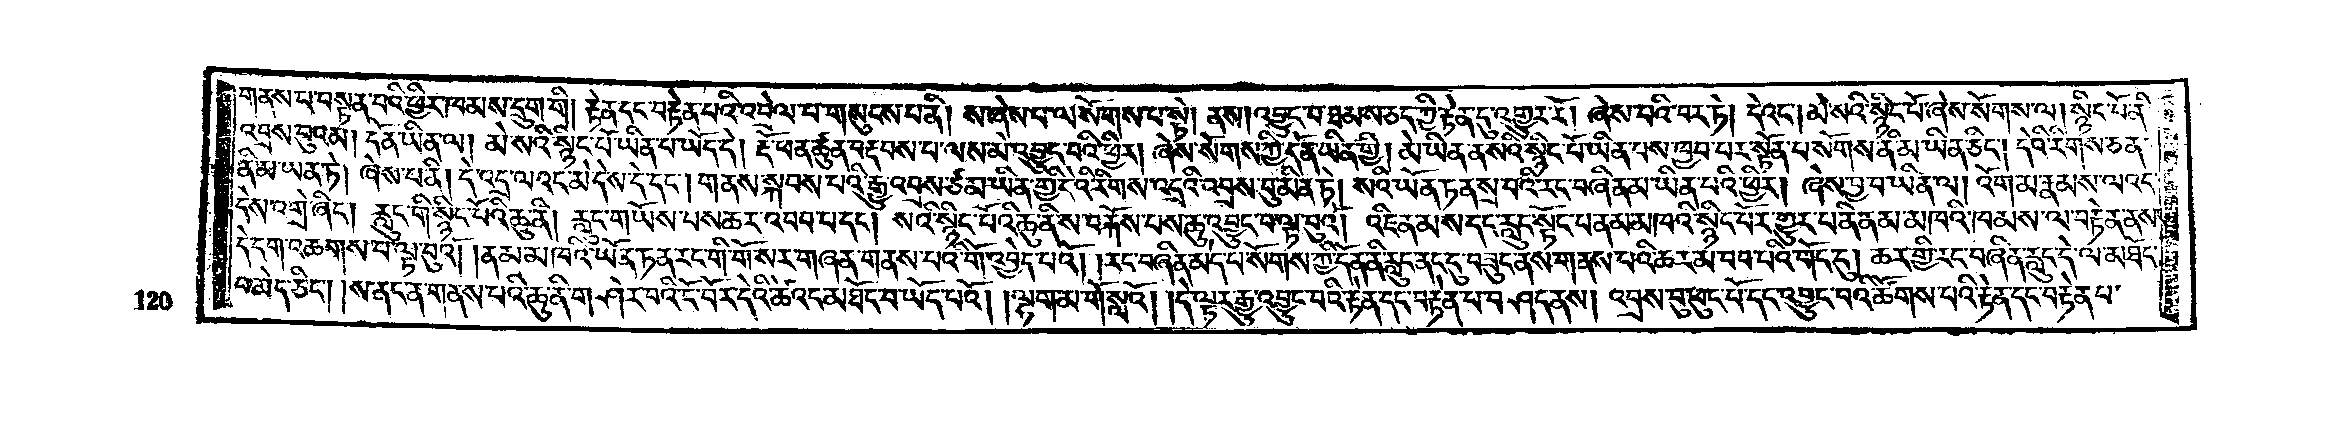གནས་པ་བསྟན་པའི་ཕྱིར་ཁམས་དྲུག་གི །རྟེན་དང་བརྟེན་པའི་འབྲེལ་པ་གསུངས་པ་ནི། ས་ཞེས་པ་ལ་སོགས་པ་སྟེ། ནས། འབྱུང་བ་ཐམས་ཅད་ཀྱི་རྟེན་དུ་འགྱུར་རོ། ཞེས་པའི་བར་ཏེ། དེའང་། མེ་སའི་སྙིང་པོ་ཞེས་སོགས་ལ། སྙིང་པོ་ནི་
འབྲས་བུའམ། དོན་ཡིན་ལ། མེ་སའི་སྙིང་པོ་ཡིན་པ་ཡོད་དེ། རྡོ་ཕན་ཚུན་བརྡབས་པ་ལས་མེ་འབྱུང་བའི་ཕྱིར། ཞེས་སོགས་ཀྱི་དོན་ཡིན་གྱི། མེ་ཡིན་ན་སའི་སྙིང་པོ་ཡིན་པས་ཁྱབ་པར་སྟོན་པ་སོགས་ནི་མ་ཡིན་ཅིང་། དེའི་རིགས་ཅན་
ནི་མ་ཡིན་ཏེ། ཞེས་པ་ནི། དེ་འདྲ་ལའང་མེ་དེ་ས་དེ་དང་། གནས་སྐབས་པའི་རྒྱུ་འབྲས་ཙམ་ཡིན་གྱི་དེའི་རིགས་འདྲའི་འབྲས་བུ་མིན་ཏེ། སའི་ཡོན་ཏན་སྲ་བའི་རང་བཞིན་མ་ཡིན་པའི་ཕྱིར། ཞེས་བྱ་བ་ཡིན་ལ། འོག་མ་རྣམས་ལའང་
དེས་འགྲེ་ཞིང་། རླུང་གི་སྙིང་པོའི་ཆུ་ནི། རླུང་གཡོས་པས་ཆར་འབབ་པ་དང་། སའི་སྙིང་པོའི་ཆུ་ནི་ས་བརྐོས་པས་ཆུ་འབྱུང་བ་ལྟ་བུའོ། འཛིན་མ་ས་དང་རླུང་སྟོང་པ་ནམ་མཁའི་སྙིང་པོར་གྱུར་པ་ནི་ནམ་མཁའི་ཁམས་ལ་བརྟེན་ནས་
དེ་དག་འཆགས་པ་ལྟ་བུའོ། །ནམ་མཁའི་ཡོན་ཏན་རང་གི་གོ་སར་གཞན་གནས་པའི་གོ་འབྱེད་པའོ། །རང་བཞིན་མེད་པ་སོགས་ཀྱི་དོན་ནི་རླུང་ནང་དུ་བཟུང་ནས་གནས་པའི་ཆར་མ་བབ་པའི་གོང་དུ། ཆར་གྱི་རང་བཞིན་རླུང་དེ་ལ་མཐོང་
བ་མེད་ཅིང་། །ས་ནང་ན་གནས་པའི་ཆུ་ནི་གཤེར་བའི་ངོ་བོར་དེའི་ཚེའང་མཐོང་བ་ཡོད་པའོ། །ལྷག་མ་གོ་སླའོ། །དེ་ལྟར་རྒྱུ་འབྱུང་བའི་རྟེན་དང་བརྟེན་པ་བཤད་ནས། འབྲས་བུ་ཕུང་པོ་དང་འབྱུང་བའི་ཚོགས་པའི་རྟེན་དང་བརྟེན་པ་